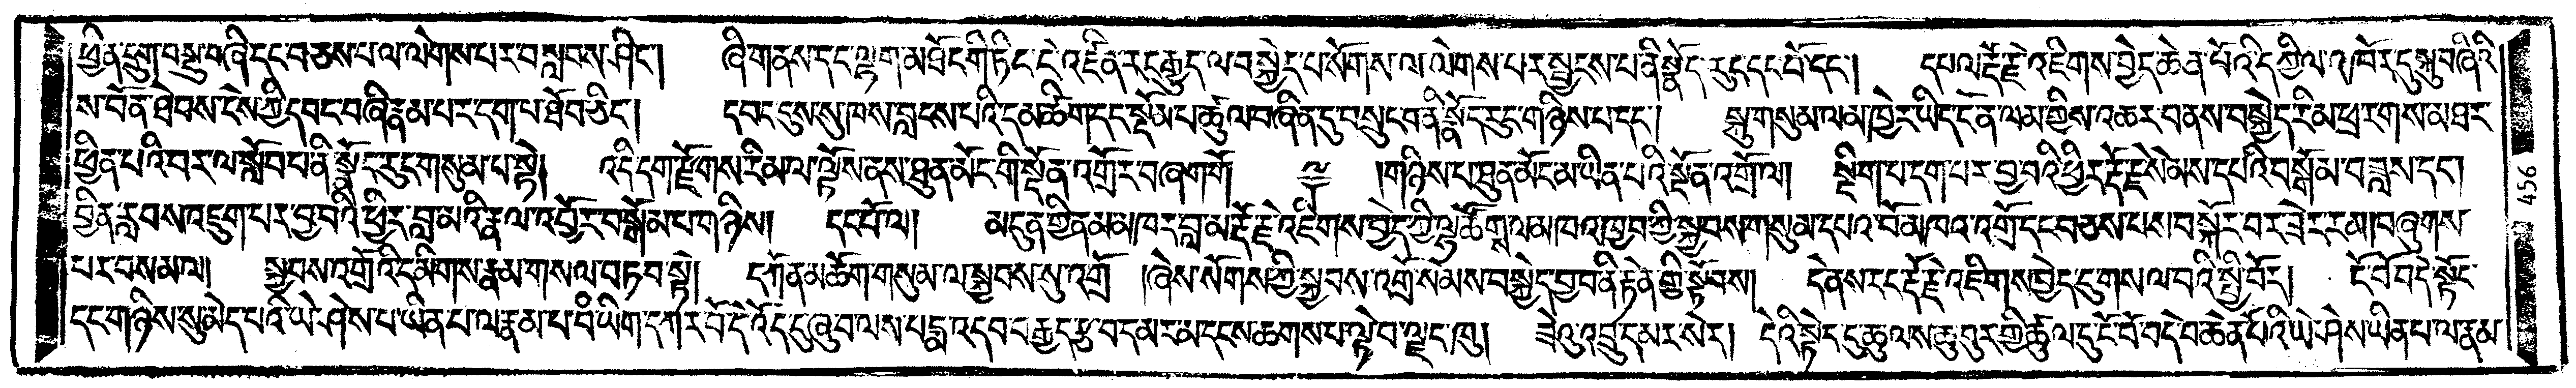ཕྱིན་དྲུག་བསྡུ་བཞི་དང་བཅས་པ་ལ་ལེགས་པར་བསླབས་ཤིང་། ཞི་གནས་དང་ལྷག་མཐོང་གི་ཏིང་ངེ་འཛིན་རང་རྒྱུད་ལ་བསྐྱེད་པ་སོགས་ལ་ལེགས་པར་སྦྱངས་པ་ནི་སྣོད་རུང་དང་པོ་དང་། དཔལ་རྡོ་རྗེ་འཇིགས་བྱེད་ཆེན་པོའི་དཀྱིལ་འཁོར་དུ་སྐུ་བཞིའི་
ས་བོན་ཐེབས་ངེས་ཀྱི་དབང་བཞི་རྣམ་པར་དག་པ་ཐོབ་ཅིང་། དབང་དུས་སུ་ཁས་བླངས་པའི་དམ་ཚིག་དང་སྡོམ་པ་ཚུལ་བཞིན་དུ་བསྲུང་བ་ནི་སྣོད་རུང་གཉིས་པ་དང་། སྐུ་གསུམ་ལམ་ཁྱེར་ཡིད་དོན་ལམ་གྱིས་འཆར་བ་ནས་བསྐྱེད་རིམ་ཕྲ་རགས་མཐར་
ཕྱིན་པའི་བར་ལ་སློབ་པ་ནི་སྣོད་རུང་གསུམ་པ་སྟེ། འདི་དག་རྫོགས་རིམ་ལ་ལྟོས་ནས་ཐུན་མོང་གི་སྔོན་འགྲོར་བཞག་གོ ༈ །གཉིས་པ་ཐུན་མོང་མ་ཡིན་པའི་སྔོན་འགྲོ་ལ། སྡིག་པ་དག་པར་བྱ་བའི་ཕྱིར་རྡོ་རྗེ་སེམས་དཔའི་བསྒོམ་བཟླས་དང་།
བྱིན་རླབས་འཇུག་པར་བྱ་བའི་ཕྱིར་བླ་མའི་རྣལ་འབྱོར་བསྒོམ་པ་གཉིས། དང་པོ་ལ། མདུན་གྱི་ནམ་མཁར་བླ་མ་རྡོ་རྗེ་འཇིགས་བྱེད་ཀྱི་ལྷ་ཚོགས་ལ་མཁའ་ཁྱབ་ཀྱི་སྐྱབས་གསུམ་དཔའ་བོ་མཁའ་འགྲོ་དང་བཅས་པས་བསྐོར་བར་ཟེར་རམ། བཞུགས་
པར་བསམ་ལ། སྐྱབས་འགྲོའི་དམིགས་རྣམ་གསལ་བཏབ་སྟེ། དཀོན་མཆོག་གསུམ་ལ་སྐྱབས་སུ་འགྲོ་།ཞེས་སོགས་ཀྱི་སྐྱབས་འགྲོ་སེམས་བསྐྱེད་བྱ་བ་ནི་རྟེན་གྱི་སྟོབས། དེ་ནས་རང་རྡོ་རྗེ་འཇིགས་བྱེད་དུ་གསལ་བའི་སྤྱི་བོར། ངོ་བོ་བདེ་སྟོང་
དང་གཉིས་སུ་མེད་པའི་ཡེ་ཤེས་པ་ཡིན་པ་ལ་རྣམ་པ་བཾ་ཡིག་དཀར་པོ་དེ་འོད་དུ་ཞུ་བ་ལས་པདམ་འདབ་བརྒྱད་རྩ་བ་དམར་མདངས་ཆགས་པ་ལྟེ་བ་ལྗང་ཁུ། ཟེའུ་འབྲུ་དམར་སེར། དེའི་སྟེང་དུ་ཆུ་ལས་ཆུ་བུར་གྱི་ཚུལ་དུ་ངོ་བོ་བདེ་བ་ཆེན་པོའི་ཡེ་ཤེས་ཡིན་པ་ལ་རྣམ་